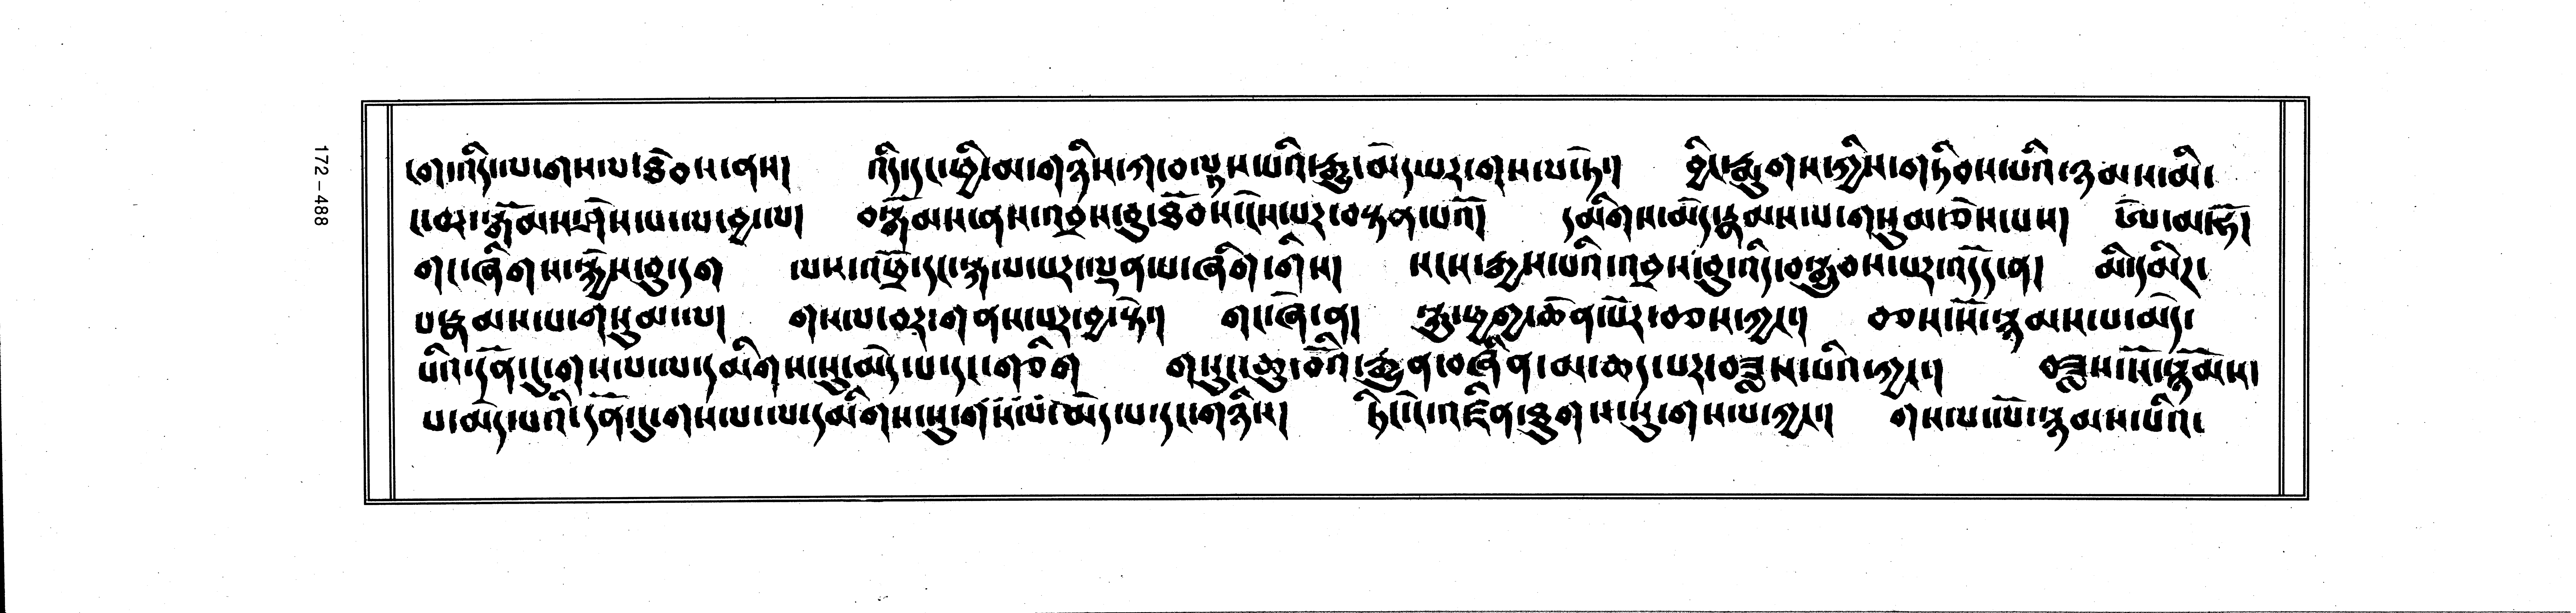ངག་འདི་ལ་གསལ་ཐེབས་ནས། འདི་དང་ཕྱི་མ་གཉིས་ཀ་བལྟས་པའི་རྒྱུ་མེད་པར་གསལ་ཏེ། བྱིང་རྨུགས་ཀྱིས་གཏིབས་པའི་ཉམས་མི་
མངའ་བར་སྒོམས་ཤེས་པ་ལ་བྱ་ལ། བསྒོམས་ནས་འབྲས་བུ་ཐོབ་ངེས་པར་བསྟན་པའོ། དམིགས་མེད་རྣམ་པ་གསུམ་ཅེས་པས། ཨེ་མ་ཧོ། 
གང་ཞིག་སྐྱེས་སུ་དག ལས་འཕྲོ་དང་སྐལ་པར་ལྡན་པ་ཞིག་གིས། སངས་རྒྱས་པའི་འབྲས་བུ་འདི་བསྒྲུབས་པར་འདོད་ན། མི་དམིགས་
པ་རྣམ་པ་གསུམ་ལ། གསལ་བར་གནས་པར་བྱ་སྟེ། གང་ཞེ་ན། སྐུ་ཕྱག་རྒྱ་ཆེན་པོར་བཅས་ཀྱང་། བཅས་སོ་སྙམས་པ་མེད་
པའི་དོན་དུ་གསལ་ལ་དམིགས་སུ་མེད་པ་དང་གཅིག གསུང་ཆུ་བོའི་རྒྱུན་བཞིན་མ་ཆད་པར་བཟླས་པའི་ཀྱང་། བཟླས་སོ་སྙོམས་
པ་མེད་པའི་དོན་དུ་གསལ་ལ་དམིགས་སུ་མེད་པ་དང་གཉིས། ཏིང་ངེ་འཛིན་ཐུགས་སུ་གསལ་ཀྱང་། གསལ་ལོ་སྙམས་པའི་